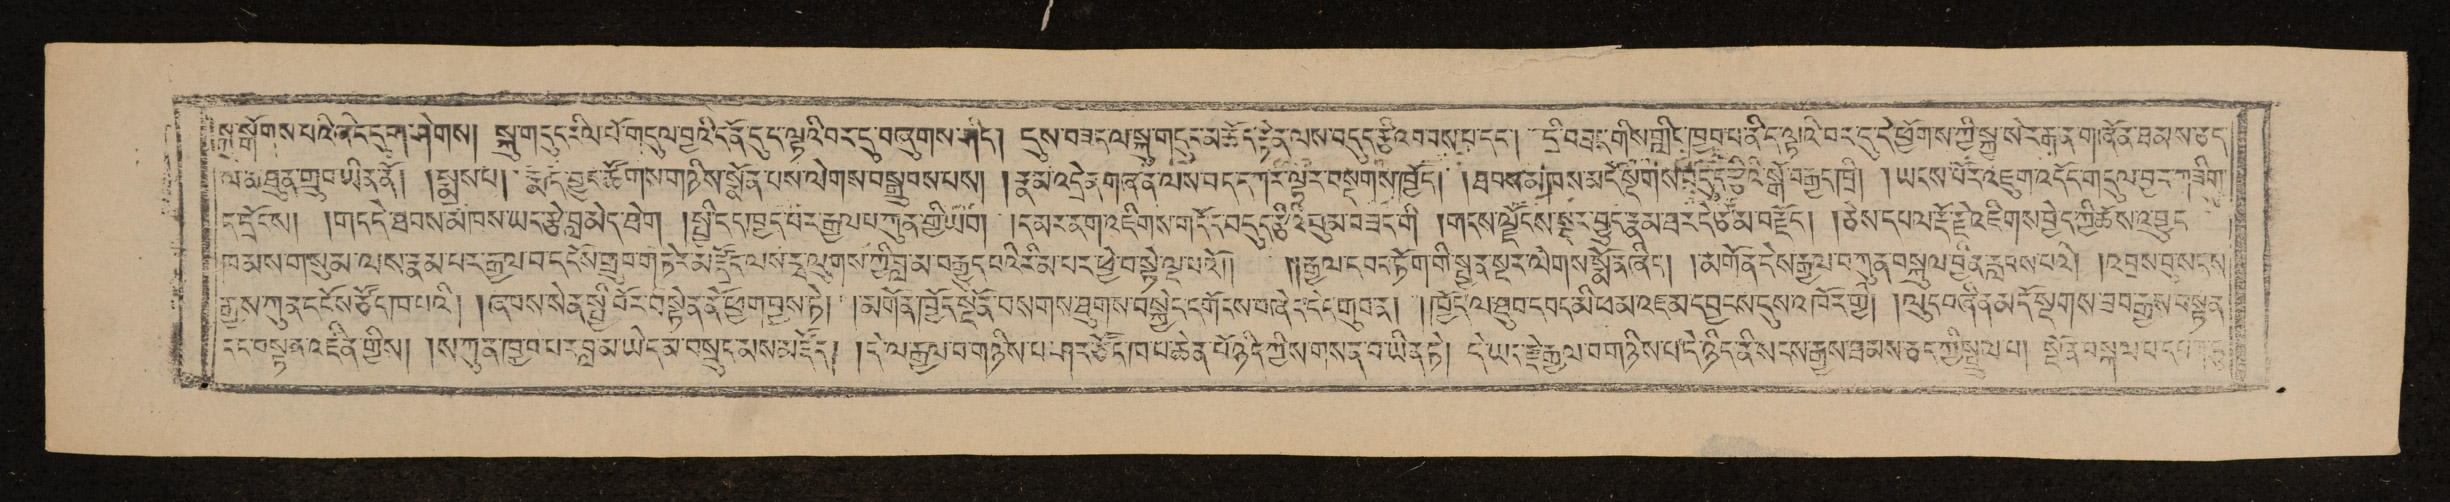སྒྲ་སྒྲོགས་པའི་ཞིང་དུ་གཤེགས། སྐུ་གདུང་རིལ་པོ་གདུལ་བྱའི་དོན་དུ་ད་ལྟའི་བར་དུ་བཞུགས་ཤིང་། དུས་བཟང་ལ་སྐུ་གདུང་མཆོད་རྟེན་ལས་བདུད་རྩི་འབབས་པ་དང་། དྲི་བཟང་གིས་གླིང་ཁྱབ་པ་ནི་ད་ལྟའི་བར་དུ་དེ་ཕྱོགས་ཀྱི་སྐྱ་སེར་རྒན་གཞོན་ཐམས་ཅད་
ལམ་ཐུན་གྲུབ་ཡིན་ནོ། །སྨྲས་པ། རྨད་བྱུང་ཚོགས་གཉིས་སྨོན་པས་ལེགས་བསྒྲུབས་པས། །རྣམ་འདྲེན་གཞན་ལས་པད་དཀར་ལྟར་བསྔགས་ཁྱོད། །ཐབས་མཁས་མདོ་སྔགས་བདུད་རྩིའི་སྒོ་བརྒྱད་ཁྲི། །ཡངས་པོར་འཇུག་འདོད་གདུལ་བྱར་གཟིགས་
ད་དྲོངས། །གང་དེ་ཐབས་མཁས་ཡང་རྩེ་བླ་མེད་ཐེག །སྤྱི་དང་ཁྱད་པར་རྒྱལ་པ་ཀུན་གྱི་ཡབ། །དམར་ནག་འཇིགས་གདོང་བདུད་རྩིའི་བུམ་བཟང་གི །གངས་ལྗོངས་སྔར་བྱུང་རྣམ་ཐར་དེ་ཙམ་བརྗོད། །ཅེས་དཔལ་རྡོ་རྗེ་འཇིགས་བྱེད་ཀྱི་ཆོས་འབྱུང་
ཁམས་གསུམ་ལས་རྣམ་པར་རྒྱལ་བ་དངོས་གྲུབ་གཏེར་མཛོད་ལས་རྭ་ལུགས་ཀྱི་བླ་མ་བརྒྱུད་པའི་རིམ་པར་ཕྱེ་བ་སྟེ་ལྔ་པའོ།། །།རྒྱལ་དབང་ཏོག་གི་སྤྱན་སྔར་ལེགས་སྨོན་ཞིང་། །མགོན་དེས་རྒྱལ་བ་ཀུན་བསྐུལ་བྱིན་རླབས་པའི། །འབྲས་བུ་སངས་
རྒྱས་ཀུན་དངོས་ཙོང་ཁ་པའི། །ཞབས་སེན་སྤྱི་བོར་བསྟེན་ནོ་ཕྱག་བྱས་ཏེ། །མགོན་ཁྱོད་སྔོན་བསགས་ཐུགས་བསྐྱེད་དགོངས་བཞེད་དེང་གྲུབ་ན། །ཁྱོད་ལ་ཐུབ་དབང་མི་ཕམ་འཇམ་དབྱངས་དུས་འཁོར་གྱི། །ལུང་བཞིན་མདོ་སྔགས་ཟབ་རྒྱས་བསྟན་
དང་བསྟན་འཛིན་གྱིས། །ས་ཀུན་ཁྱབ་པར་བླ་མ་ཡི་དམ་བསྲུང་མས་མཛོད། །དེ་ལ་རྒྱལ་བ་གཉིས་པ་ཤར་ཙོང་ཁ་པ་ཆེན་པོ་ཉིད་ཀྱིས་གསན་པ་ཡིན་ཏེ། དེ་ཡང་རྗེ་རྒྱལ་བ་གཉིས་པ་དེ་ཉིད་ནི་སངས་རྒྱས་ཐམས་ཅད་ཀྱི་སྤྲུལ་པ། སྔོན་བསྐལ་པ་དཔག་ཏུ་